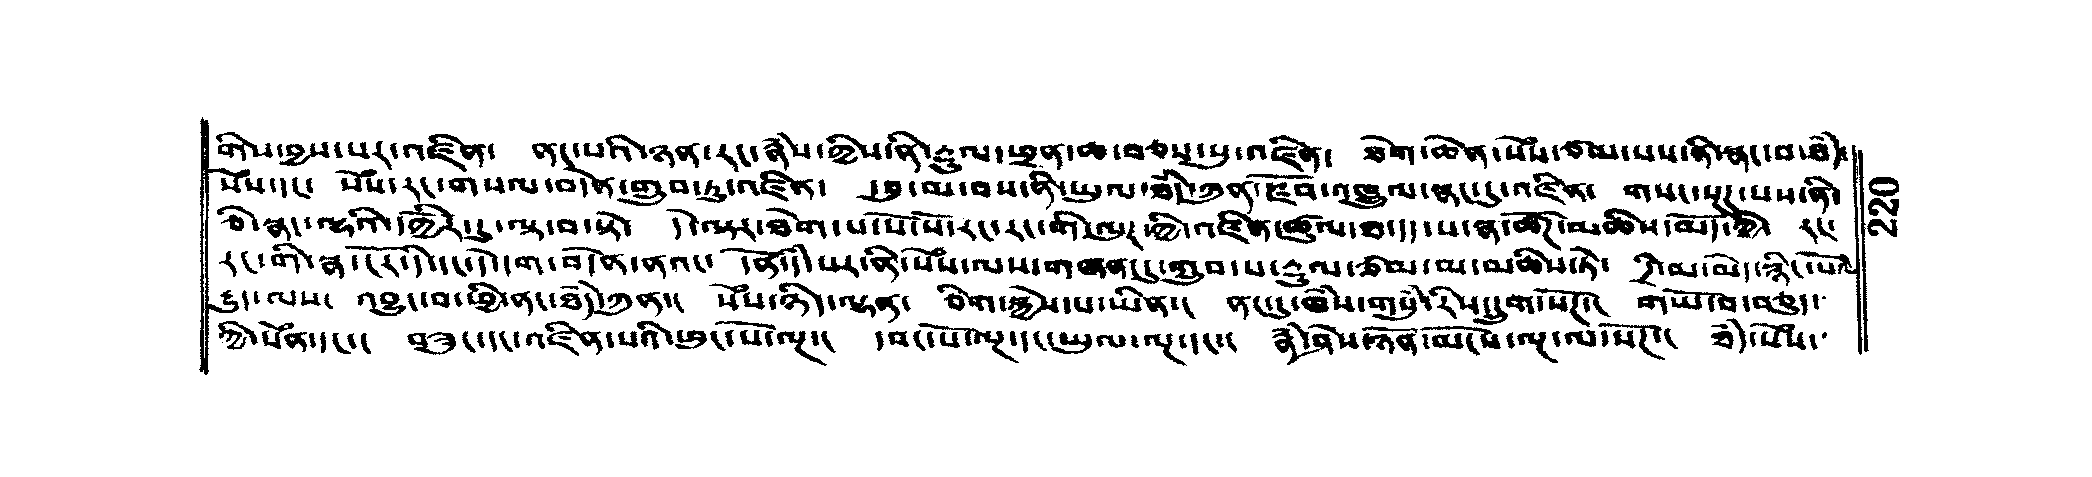གིས་བྱས་པར་འཛིན། ནང་པའི་ཉན་རང་རྣམས་ཀྱིས་ནི་རྡུལ་ཕྲན་ཆ་བཅས་སུ་འཛིན། ཐེག་ཆེན་སེམས་ཙམ་པས་ནི་སྣང་བ་ཐམས་ཅད་
སེམས་དང་། སེམས་རང་གསལ་བདེན་གྲུབ་ཏུ་འཛིན། དབུ་མ་བས་ནི་ཡུལ་ཐམས་ཅད་ཀུན་རྫོབ་འཁྲུལ་སྣང་དུ་འཛིན། གསང་སྔགས་པས་ནི་
ཅི་སྣང་ལྷའི་དཀྱིལ་འཁོར་དུ་ལྟ་བ་སྟེ། དེ་ལྟར་ཐེག་པ་སོ་སོ་རང་རང་གི་ལུགས་ཀྱི་འཛིན་ཚུལ་ཐ་དད་པ་སྣ་ཚོགས་མཆིས་མོད་ཀྱི། རང་
རང་གི་སྣད་ངོར་དེ་དང་དེ་དག་བདེན་ནའང་། དོན་དམ་པར་ནི་སེམས་ལས་གཞན་དུ་གྲུབ་པ་རྡུལ་ཙམ་མ་མཆིས་ཏེ། དྲི་མ་མེད་སྙིང་པོའི་
རྒྱུད་ལས། འབྱུང་བ་ཕྱི་ནང་ཐམས་ཅད་ཀུན། །སེམས་ཉིད་ལྷན་ཅིག་སྐྱེས་པ་ཡིན། །ནང་དུ་ཁམས་གསུམ་རིགས་དྲུག་སོགས། །གཡོ་བ་བཅུད་
ཀྱི་སེམས་ཅན་དང་། །གཟུང་དང་འཛིན་པའི་ཕུང་པོ་ལྔ། །དབང་པོ་ལྔ་དང་ཡུལ་ལྔ་དང་། །རྣམ་ཤེས་ཉོན་མོངས་ལྔ་ལ་སོགས། །ཐམས་ཅད་སེམས་